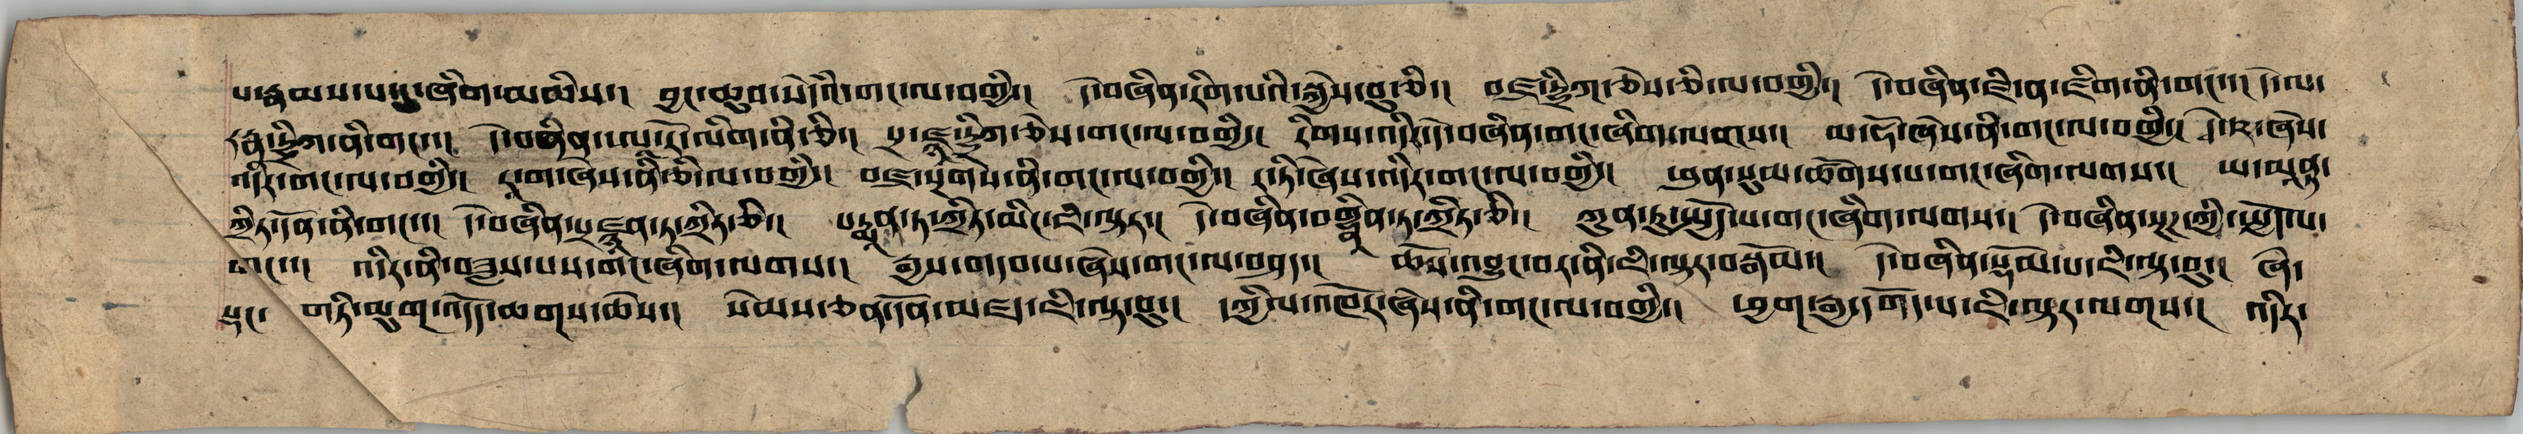པ་རྣམས་པ་དུ་ཞིག་མཆིས་། བྱང་ཆུབ་སེདཾའ་གང་ལ་བགྱི་། དེ་བཞིན་རིག་པའི་སྐྱེས་བུ་ཅི་། བཛྲ་དྷྲིཀ་ཅེས་ཅི་ལ་བགྱི་། དེ་བཞིན་ཛི་ན་ཛིག་ནི་གང་་། དེ་ལ་
རཏྣ་དྷྲིཀ་ནི་གང་་། དེ་བཞིན་ལཱ་རོ་ལིག་ནི་ཅི་། པྲ་ཛྙ་དྷྲིཀ་ཅེས་གང་ལ་བགྱི་། རིགས་འདིར་དེ་བཞིན་གང་ཞིག་ལགས་། མ་ཧོ་ཞེས་ནི་གང་ལ་བགྱི་། དྭེ་ཥ་ཞེས་
འདིར་གང་ལ་བགྱི་། རཱ་ག་ཞེས་ནི་ཅི་ལ་བགྱི་། བཛྲ་སྔགས་ནི་གང་ལ་བགྱི་། ར་ཏི་ཞེས་འདིར་གང་ལ་བགྱི་། ཕུན་སུམ་ཚོགས་པ་གང་ཞིག་ལགས་། ཡ་མཱནྟ་
ཀྲིཏ་དོན་ནི་གང་་། དེ་བཞིན་པྲཛྙན་ཏ་ཀྲིཏ་ཅི་། པདྨན་ཏ་ཀྲིཏ་མིང་ཇི་ལྟར་། དེ་བཞིན་བགྷྣིན་ཏ་ཀྲིཏ་ཅི་། ཀུན་ཏུ་སྤྱོད་པ་གང་ཞིག་ལགས་། དེ་བཞིན་སྔཌ་ཀྱི་སྤྱོད་པ་
གང་་། འདིར་ནི་བཟླས་པས་གང་ཞིག་ལགས་། རྒྱས་གདབ་པ་ཞེས་གང་ལ་བཤད་། ཆོས་འབྱུང་བར་ནི་ཇི་ལྟར་བསྒོམ་། དེ་བཞིན་སྡོམ་པ་ཇི་ལྟ་བུ་། ཞེ་
སྡང་ གཏི་མུག་འདོད་ཆགས་ཆེས་། སེམས་ཅན་དོན་མཛད་ཇི་ལྟ་བུ་། དཀྱིལ་འཁོར་ཞེས་ནི་གང་ལ་བགྱི་། ཕྱག་རྒྱ་དགོད་པ་ཇི་ལྟར་ལགས་། འདིར་